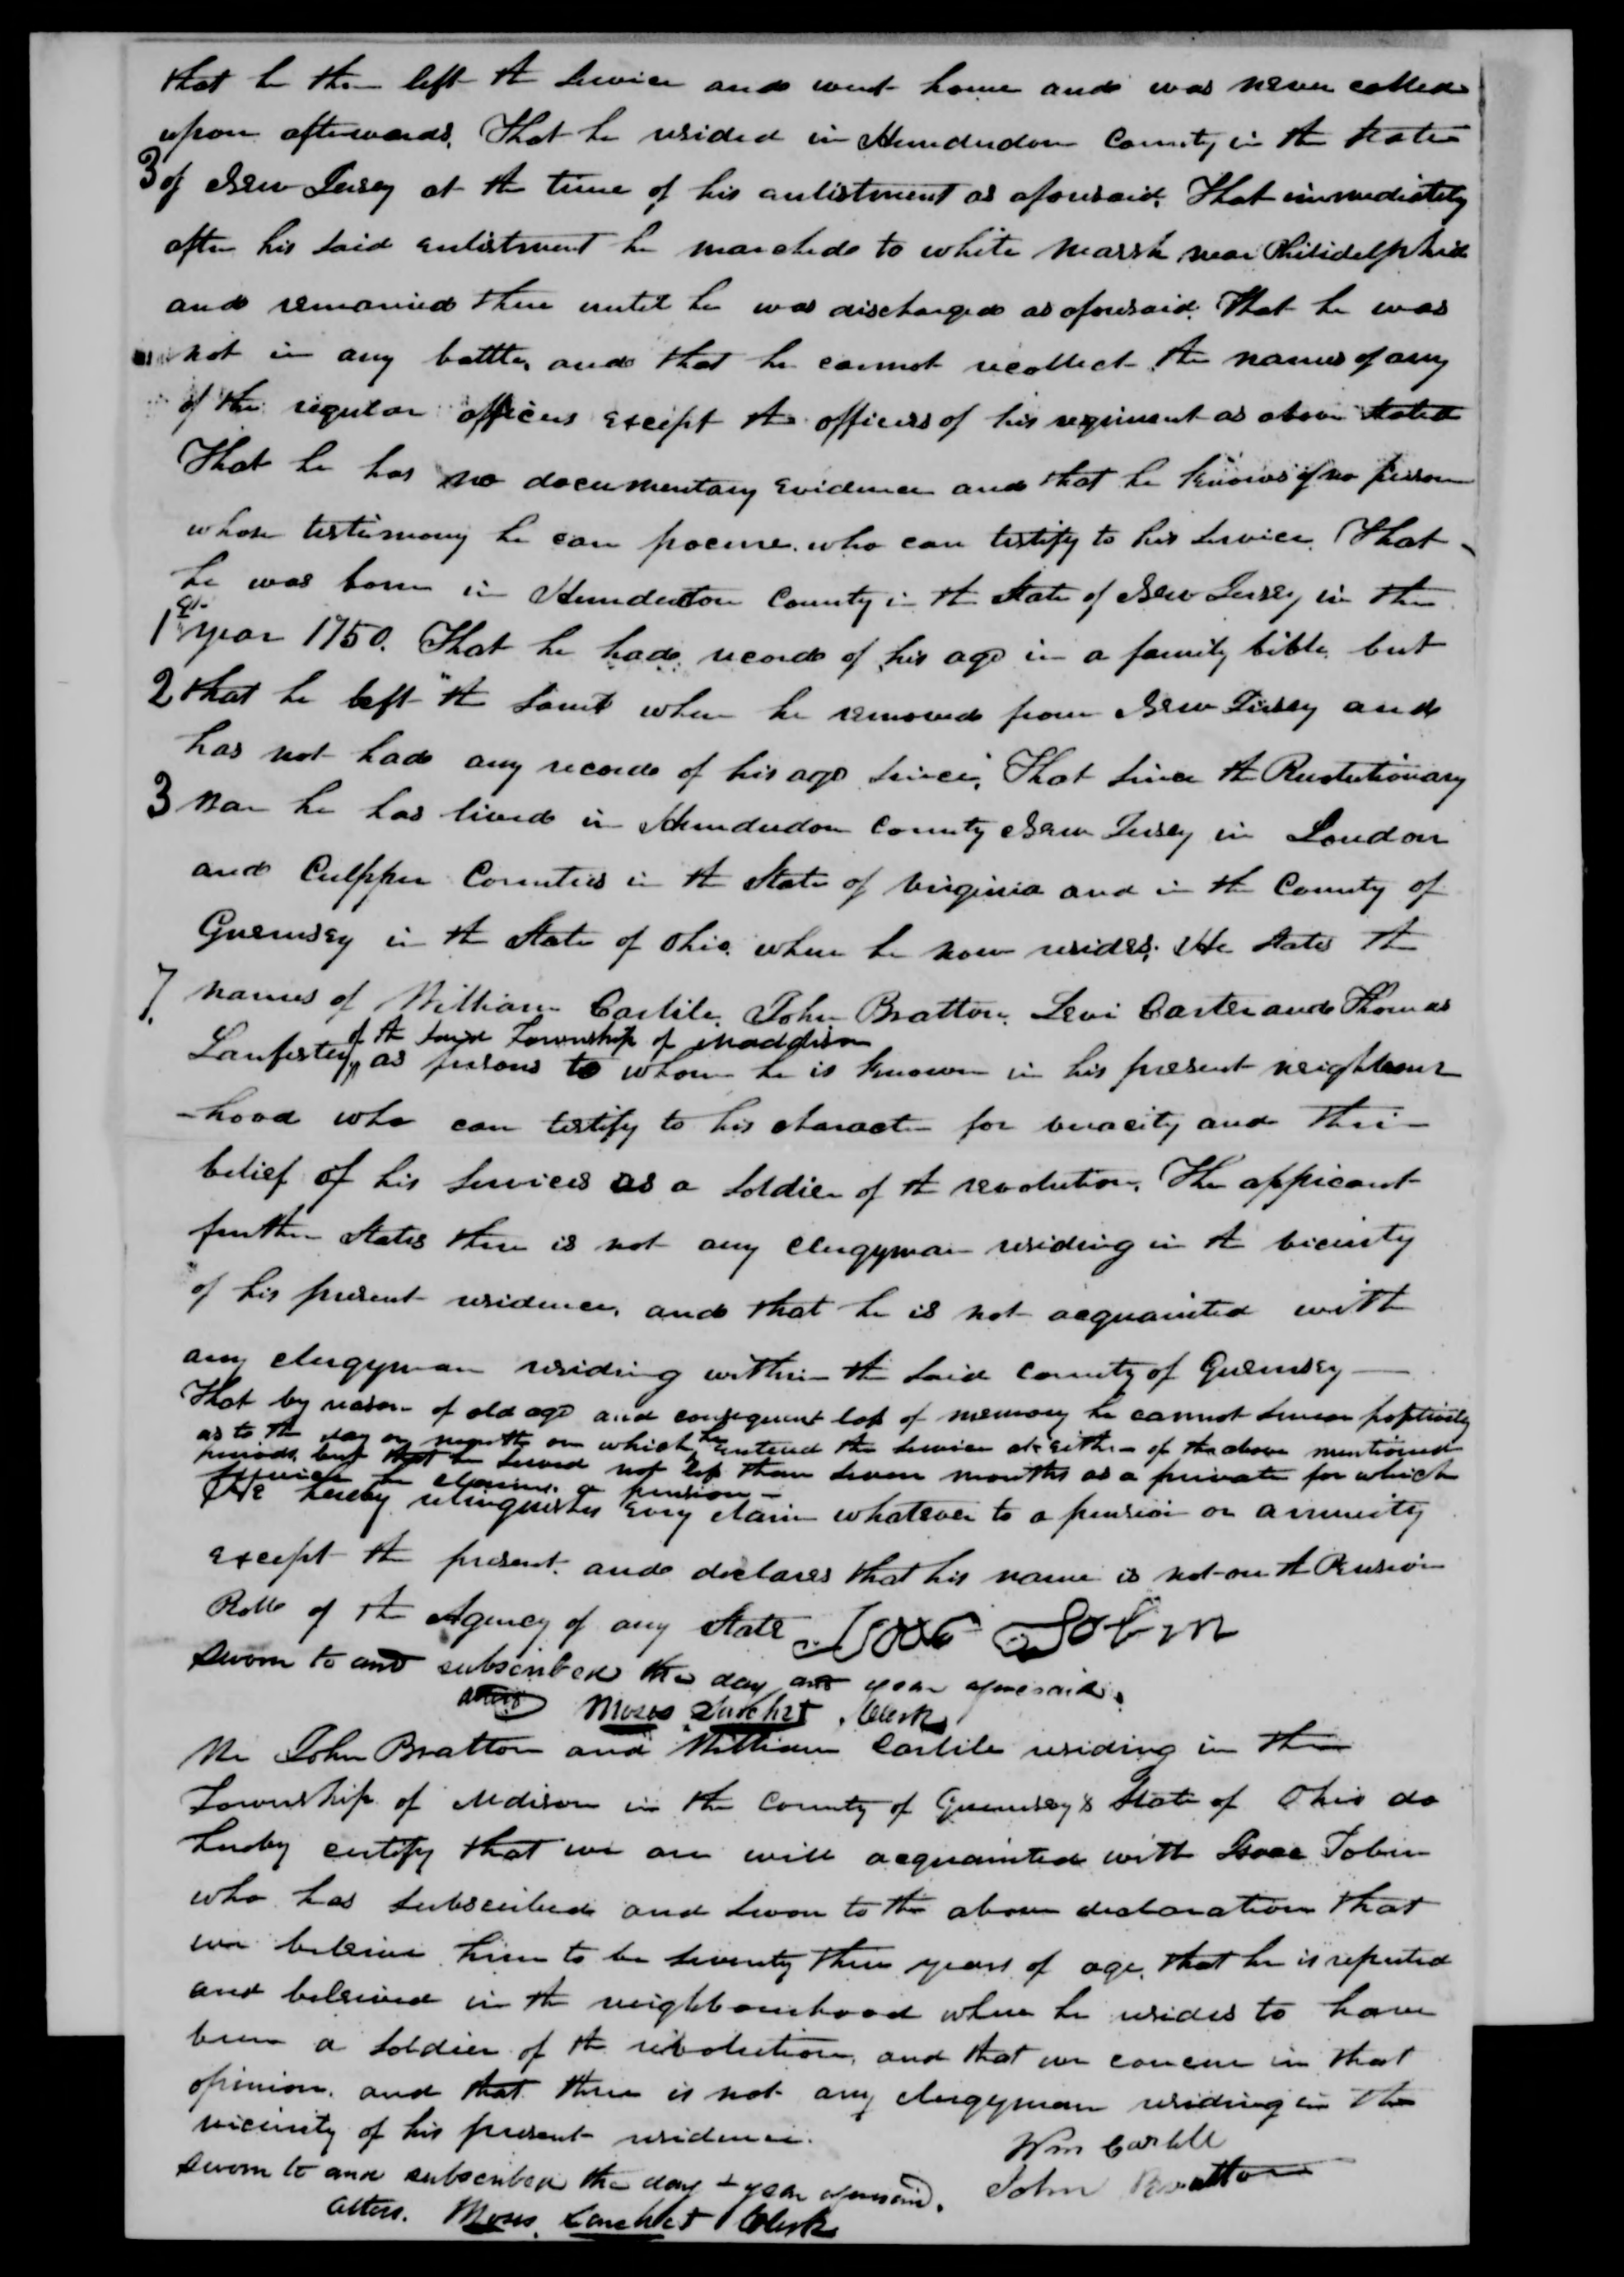that he then left the Service and went home and was never called 
upon afterwards. That he resided in Hunterdon County in the State 
3 [in margin] of New Jersey at the time of his enlistment as aforesaid. That immediately 
after his said enlistment he marched to white marsh near Philadelphia 
and remained there until he was discharged as aforesaid. That he was 
not in any battles and that he cannot recollect the names of any 
of the regular officers except the officers of his regiment as above stated. 
That he has no documentary evidence and the he knows of no person 
whose testimony he can procure who can testify to his Service. That 
he was born in Hunterdon County in the State of New Jersey in the 
1 [in margin] year 1750. That he had record of his age in a family bible but 
2 [in margin] that he left the Same when he removed from New Jersey and 
has not had any record of his age Since: That Since the Revolutionary 
3 [in margin] war he has lived in Hunterdon County New Jersey in Loudon 
and Culpper Counties in the State of Virginia and in the County of 
Guernsey in the State of Ohio where he now resides. He states the 
7 [in margin] names of William Carlile, John Bratton, Levi Carter and Thomas 
Laufertey of the Same Township of Maddison as persons to whom he is known as his present neighborhood
who can testify to his character for veracity and their 
belief of his Services as a Soldier of the revolution. The applicant 
further States there is not any clergyman residing in the vicinity 
of his present residence, and that he is not acquainted with 
any clergyman residing within the Said County of Guernsey – 
That by reason of old age and consequent loss of memory, he cannot Swear positively 
as to the day or month on which he entered the Service at either of the above mentioned 
periods, but that he Served not less than seven months as a private for which 
services he claims a pension – 
He hereby relinquishes every claim whatever to a pension or annuity 
except the present and declares that his name is not on the Pension 
Roll of the Agency of any State. Isaac Tobin [signature] 
Sworn to and subscribed to this day and year aforesaid. 
Attest Moses Sarchet, Clerk
Mr. John Bratton and William Carlile residing in the 
Township of Madison in the County of Guernsey & State of Ohio do 
hereby certify that we are well acquainted with Isaac Tobin 
who has Subscribed and Sworn to the above declaration that 
we believe him to be seventy three years of age, that he is reputed 
and believed in the neighborhood where he resides to have 
been a Soldier of the revolution and that we concur in that 
opinion and that there is not any clergyman residing in the 
vicinity of his present residence. 
Wm Carlile [signature] 
John Bratton [signature]
Sworn to and subscribed the day & year aforesaid. 
Attes. Moses Sarchet, Clerk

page: 9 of 25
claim: survivor's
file: S. 6258, for Isaac Tobin, New Jersey